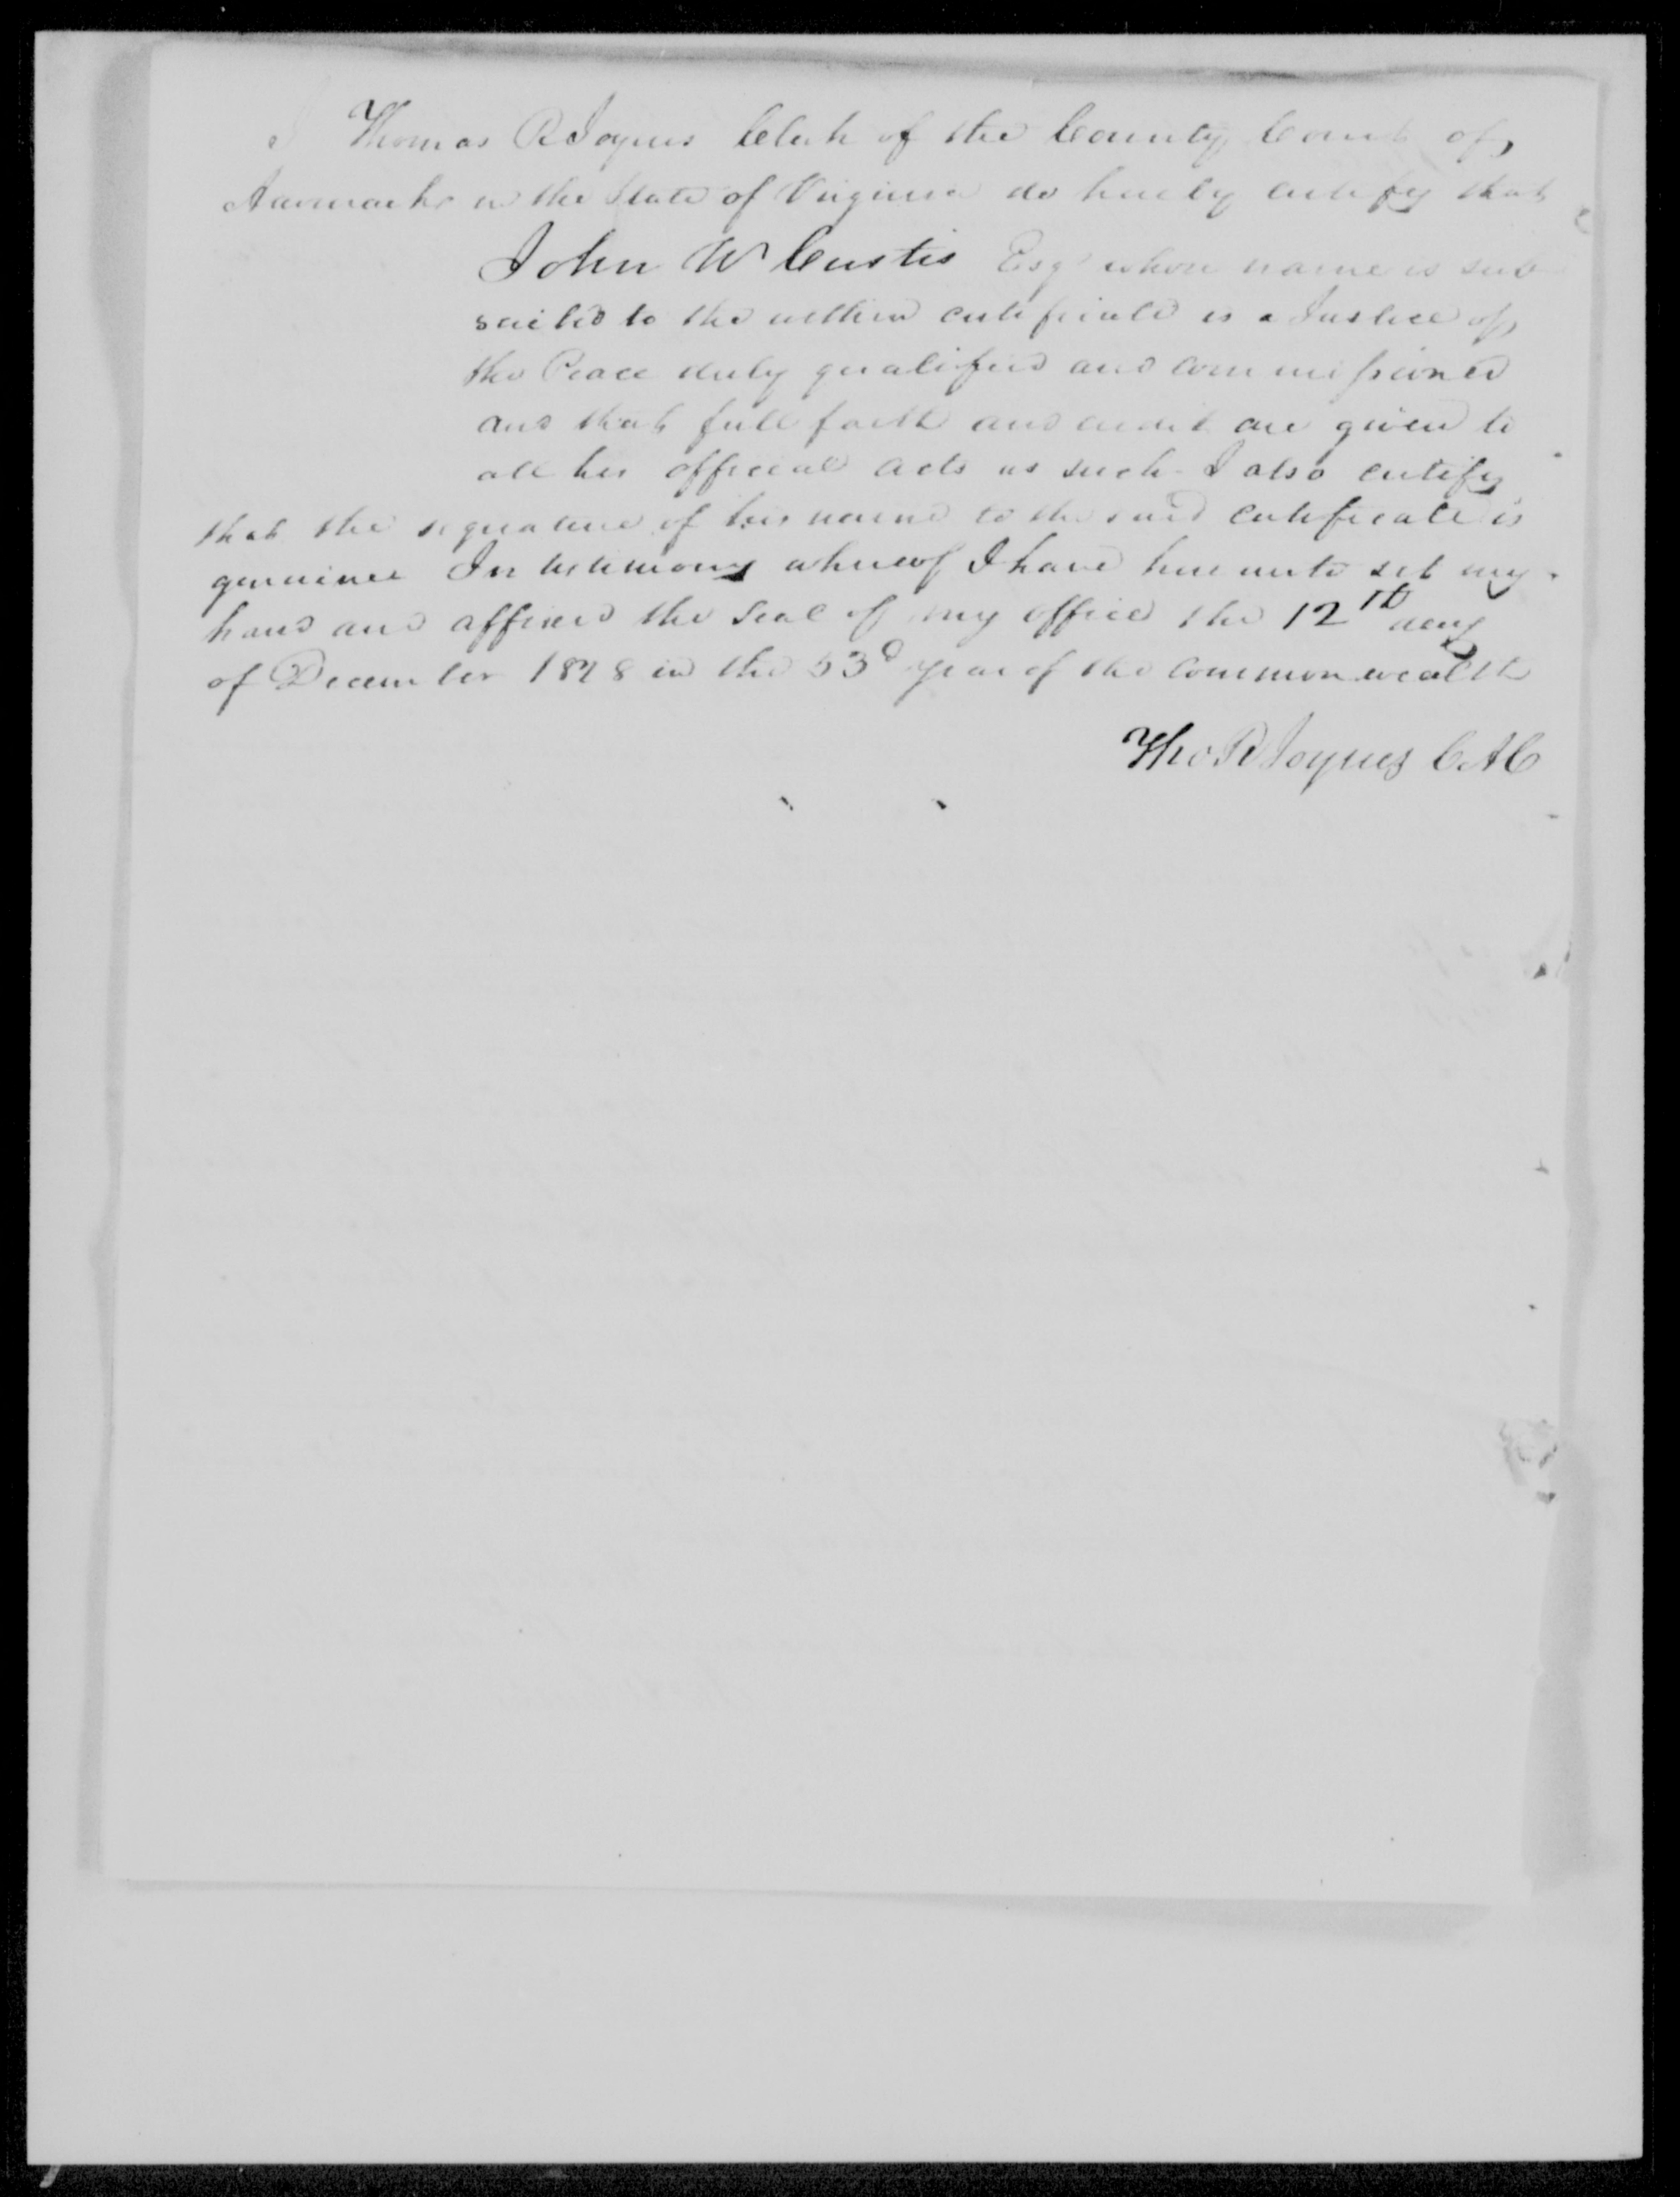I Thomas R Joynes Clerk of the County Court of Accomack in the State of Virginia do hereby certify that John W Custis Esq whose name is subscribed to the within certificate is a Justice of the Peace duly qualified and commissioned and that full faith and credit are given to all his official Acts as such. I also certify that the signature of his name to the said Certificate is genuine. In testimony whereof I have hereunto set my hand and affixed the Seal of my office the 12th day of December 1828 in the 53d year of the Commonwealth
Thos. R Joynes CAC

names: John W Custis, Tho R Joynes, Thomas R Joynes, John Custis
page: 38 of 59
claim: widow's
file: W. 6427, Samuel Waples, Va.